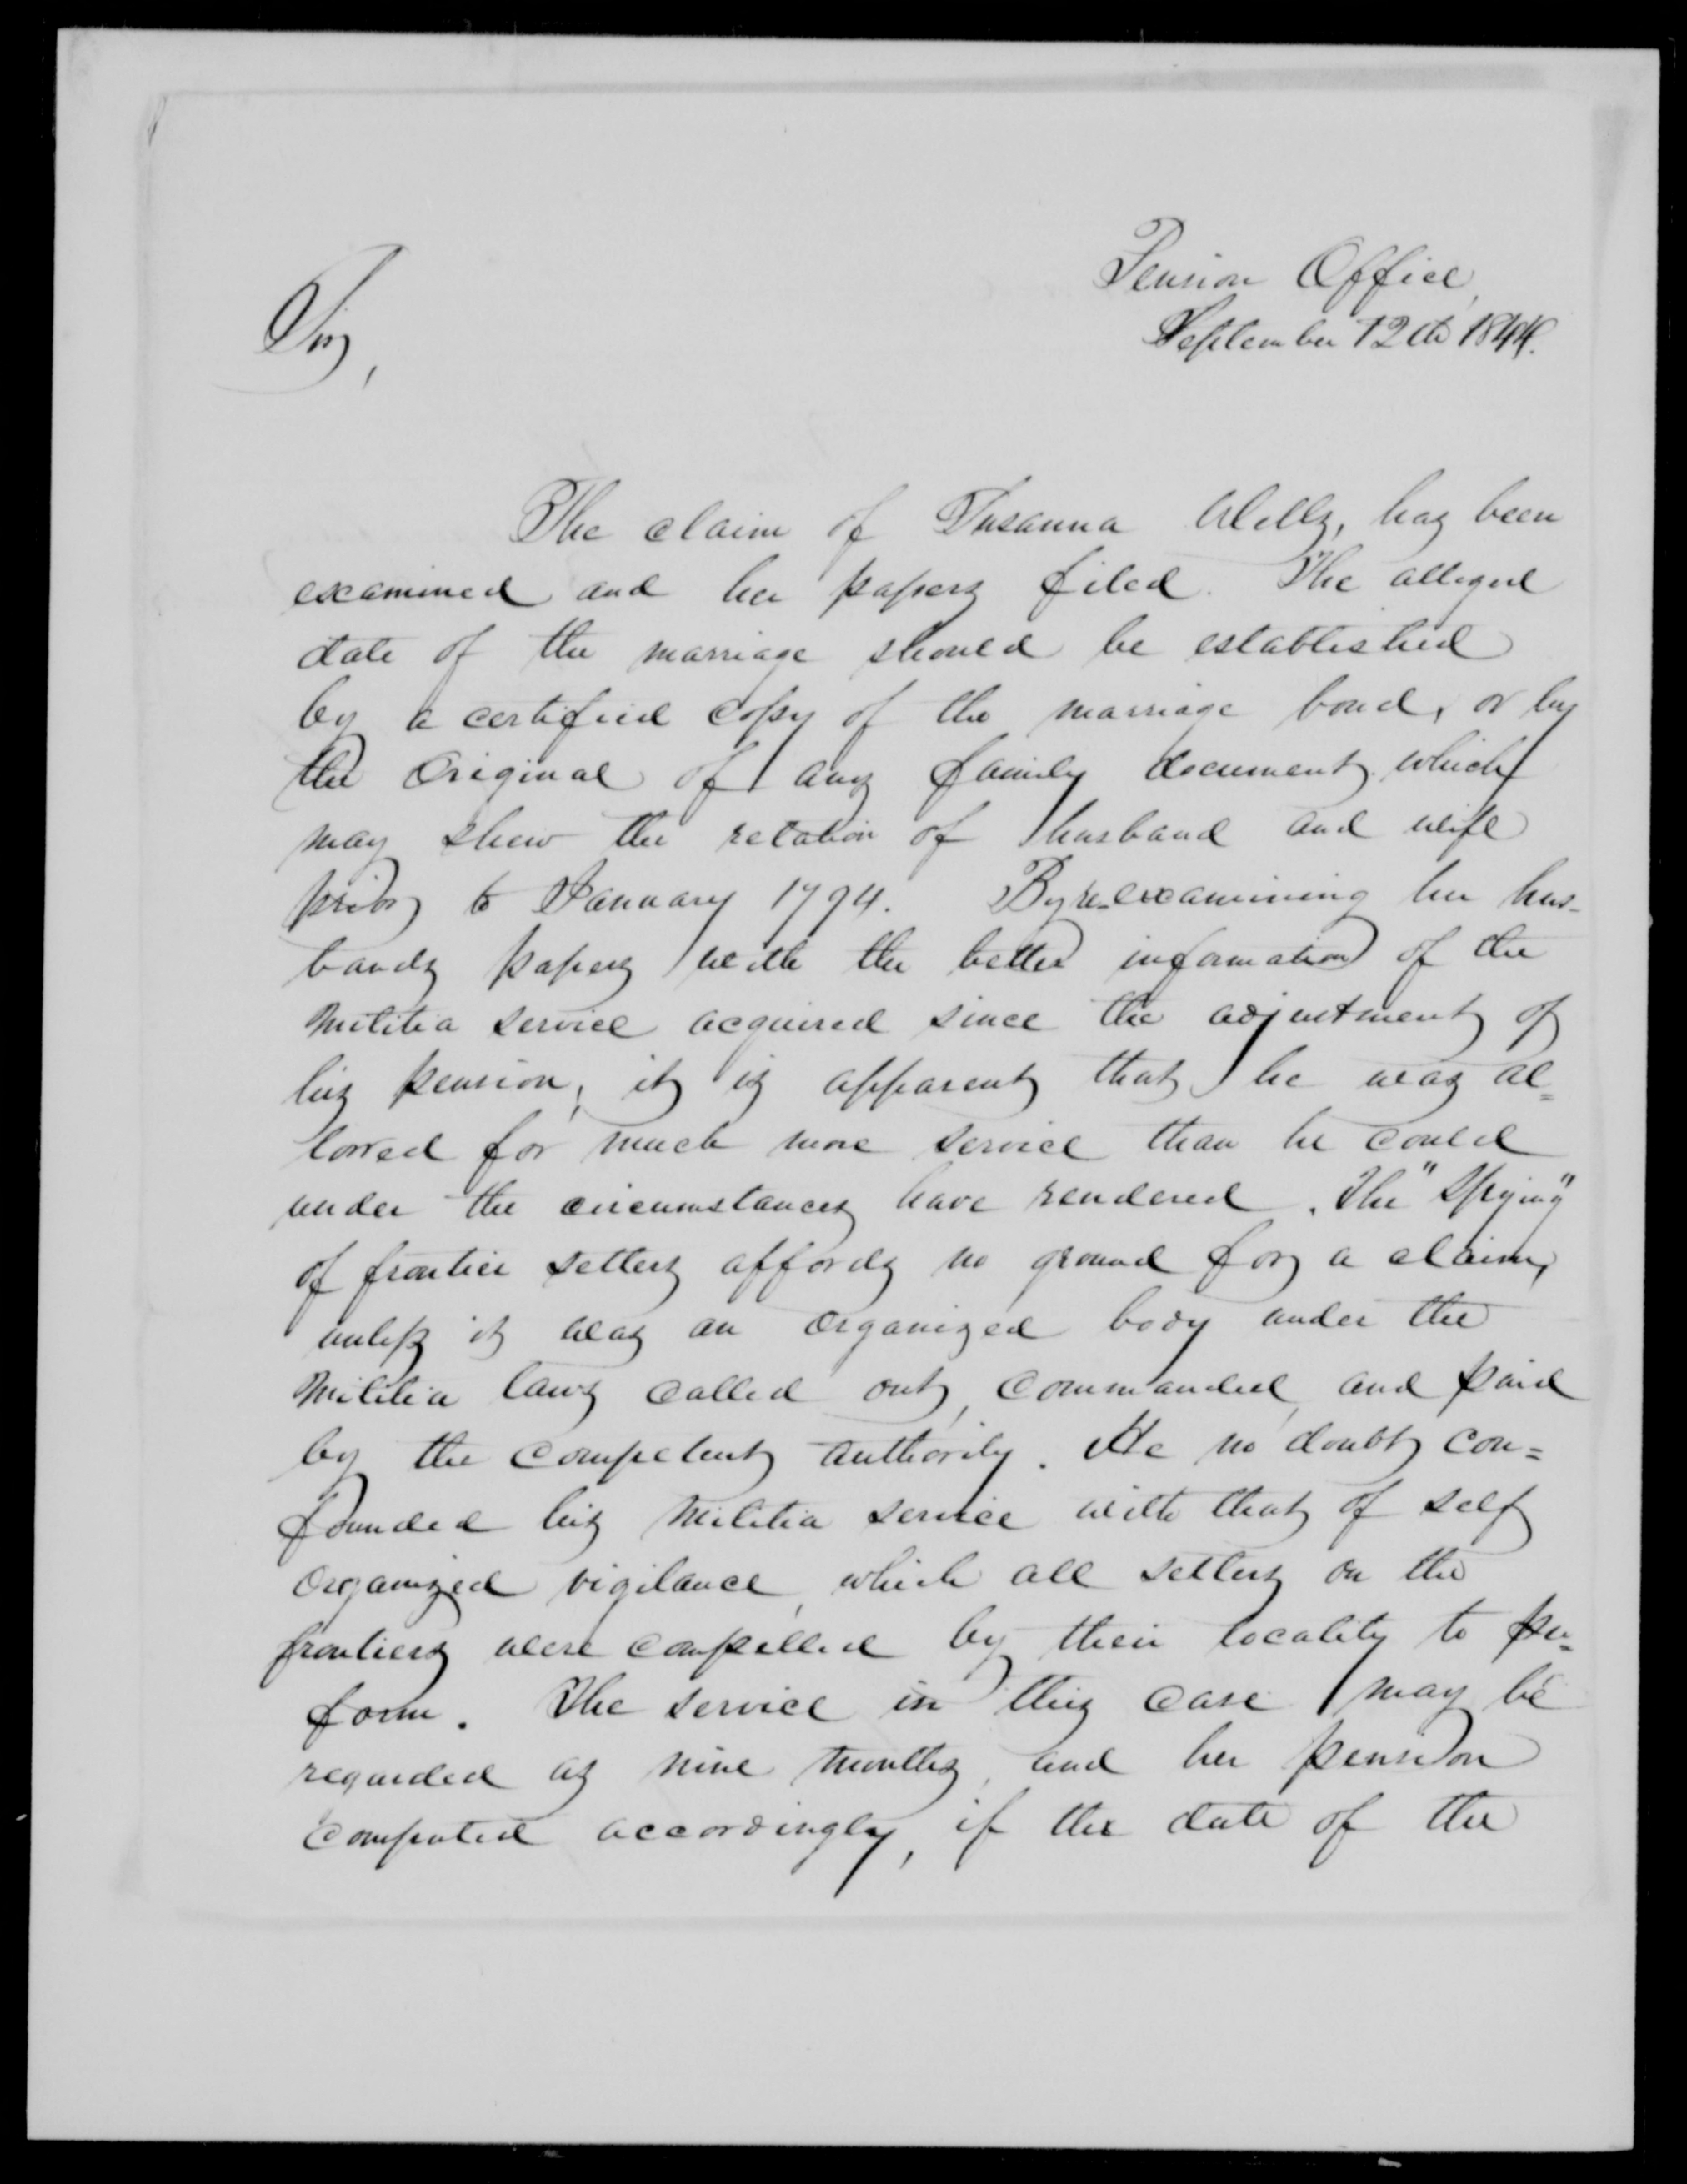Sirs,

The claim of Susanna Wells has been examined and her papers filed. The alleged date of the marriage should be established by a certified copy of the marriage bond, or by the original of any family document which may show the relation of husband and wife prior to January 1794. By reexamining her (illegible) papers with the better information of militia service acquired since the adjustment of his pension, it is apparent that he was correct for much more service than he could under the circumstances have rendered. The "spying" of (illegible) setters affords no ground for a claim (illegible) is (illegible) an organized body under the militia laws called out, commanded, and paid by the (illegible) authority. He no doubt compounded his militia service with that of self organized vigilance, which all setters on this (illegible) were compelled by their locality to perform. The service in this case may be regarded as nine months, and her pension computed accordingly, if the date of this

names: Susanna Wells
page: 47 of 100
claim: widow's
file: W. 6437, Richard Wells, Ga Va.